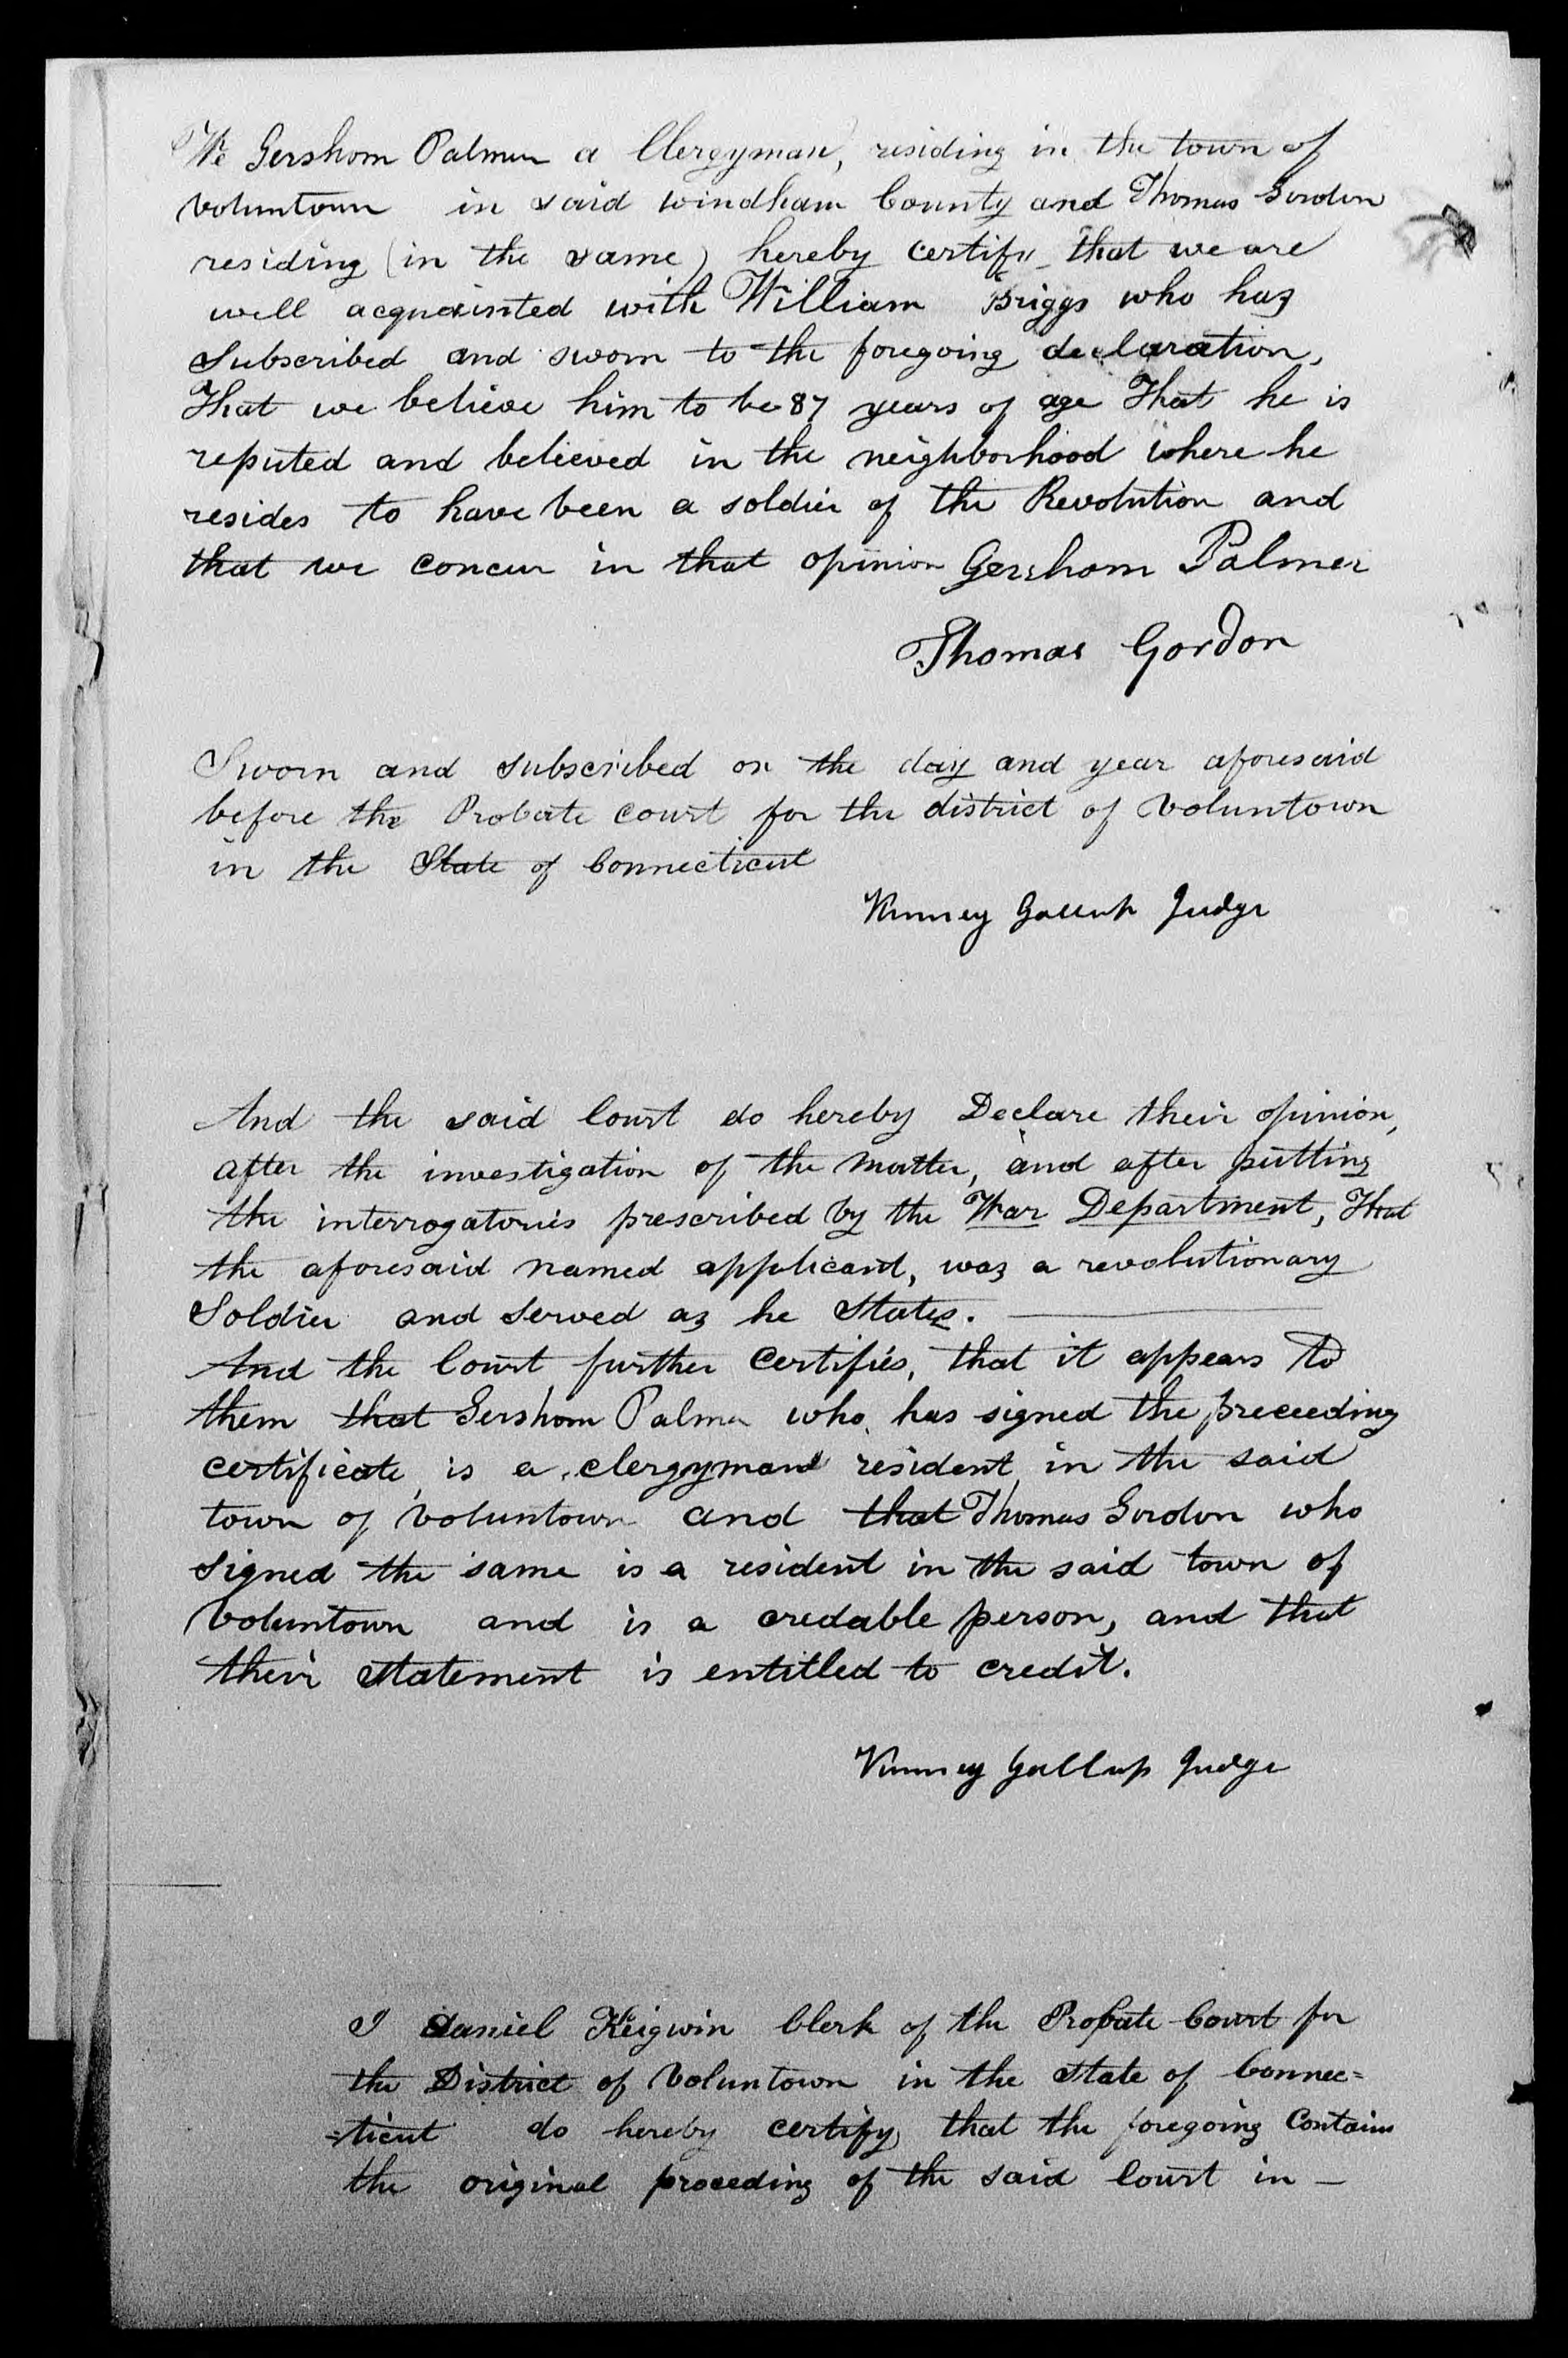We Gershom Palmer a Clergyman, residing in the town of Voluntown in said Windham County and Thomas Gordon residing (in the same) hereby certify that we are well acquainted with William Briggs who has Subscribed and sworn to the foregoing declaration. That we believe him to be 87 years of age That he is reputed and believed in the neighborhood where he resides to have been a soldier of the Revolution and that we concur in that opinion 
Gershom Palmer 
Thomas Gordon 

Sworn and subscribed on the day and year aforesaid before the Probate Court for the district of Voluntown in the State of Connecticut 
Kenney Gallup Judge 

And the said Court do hereby Declare their opinion, after the investigation of the matter, and after putting the interrogatories prescribed by the War Department[underlined], That the aforesaid named applicant, was a revolutionary Soldier and Served as he States. ---- 
And the Court further certifies, that it appears to them that Gershom Palmer who has signed the preceeding certificate is a clergyman resident in the said town of Voluntown and that Thomas Gordon who Signed the same is a resident in the said town of Voluntown and is a credible person, and that their statement is entitled to credit. Kenney Gallup Judge 

I Daniel Keigwin Clerk of the Probate Court for the District of Voluntown in the State of Connecticut do hereby certify that the foregoing contains the original proceding of the Said Court in __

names: Thomas Gordon, Thomas Gordon, Kenney Gallup, William Briggs, Kenney Gallup, Gershom Palmer, Thomas Gordon, Daniel Keigwin, Gershom Palmer, Gershom Palmer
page: 8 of 37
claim: survivor's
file: S. 12,281, William Briggs, Conn.